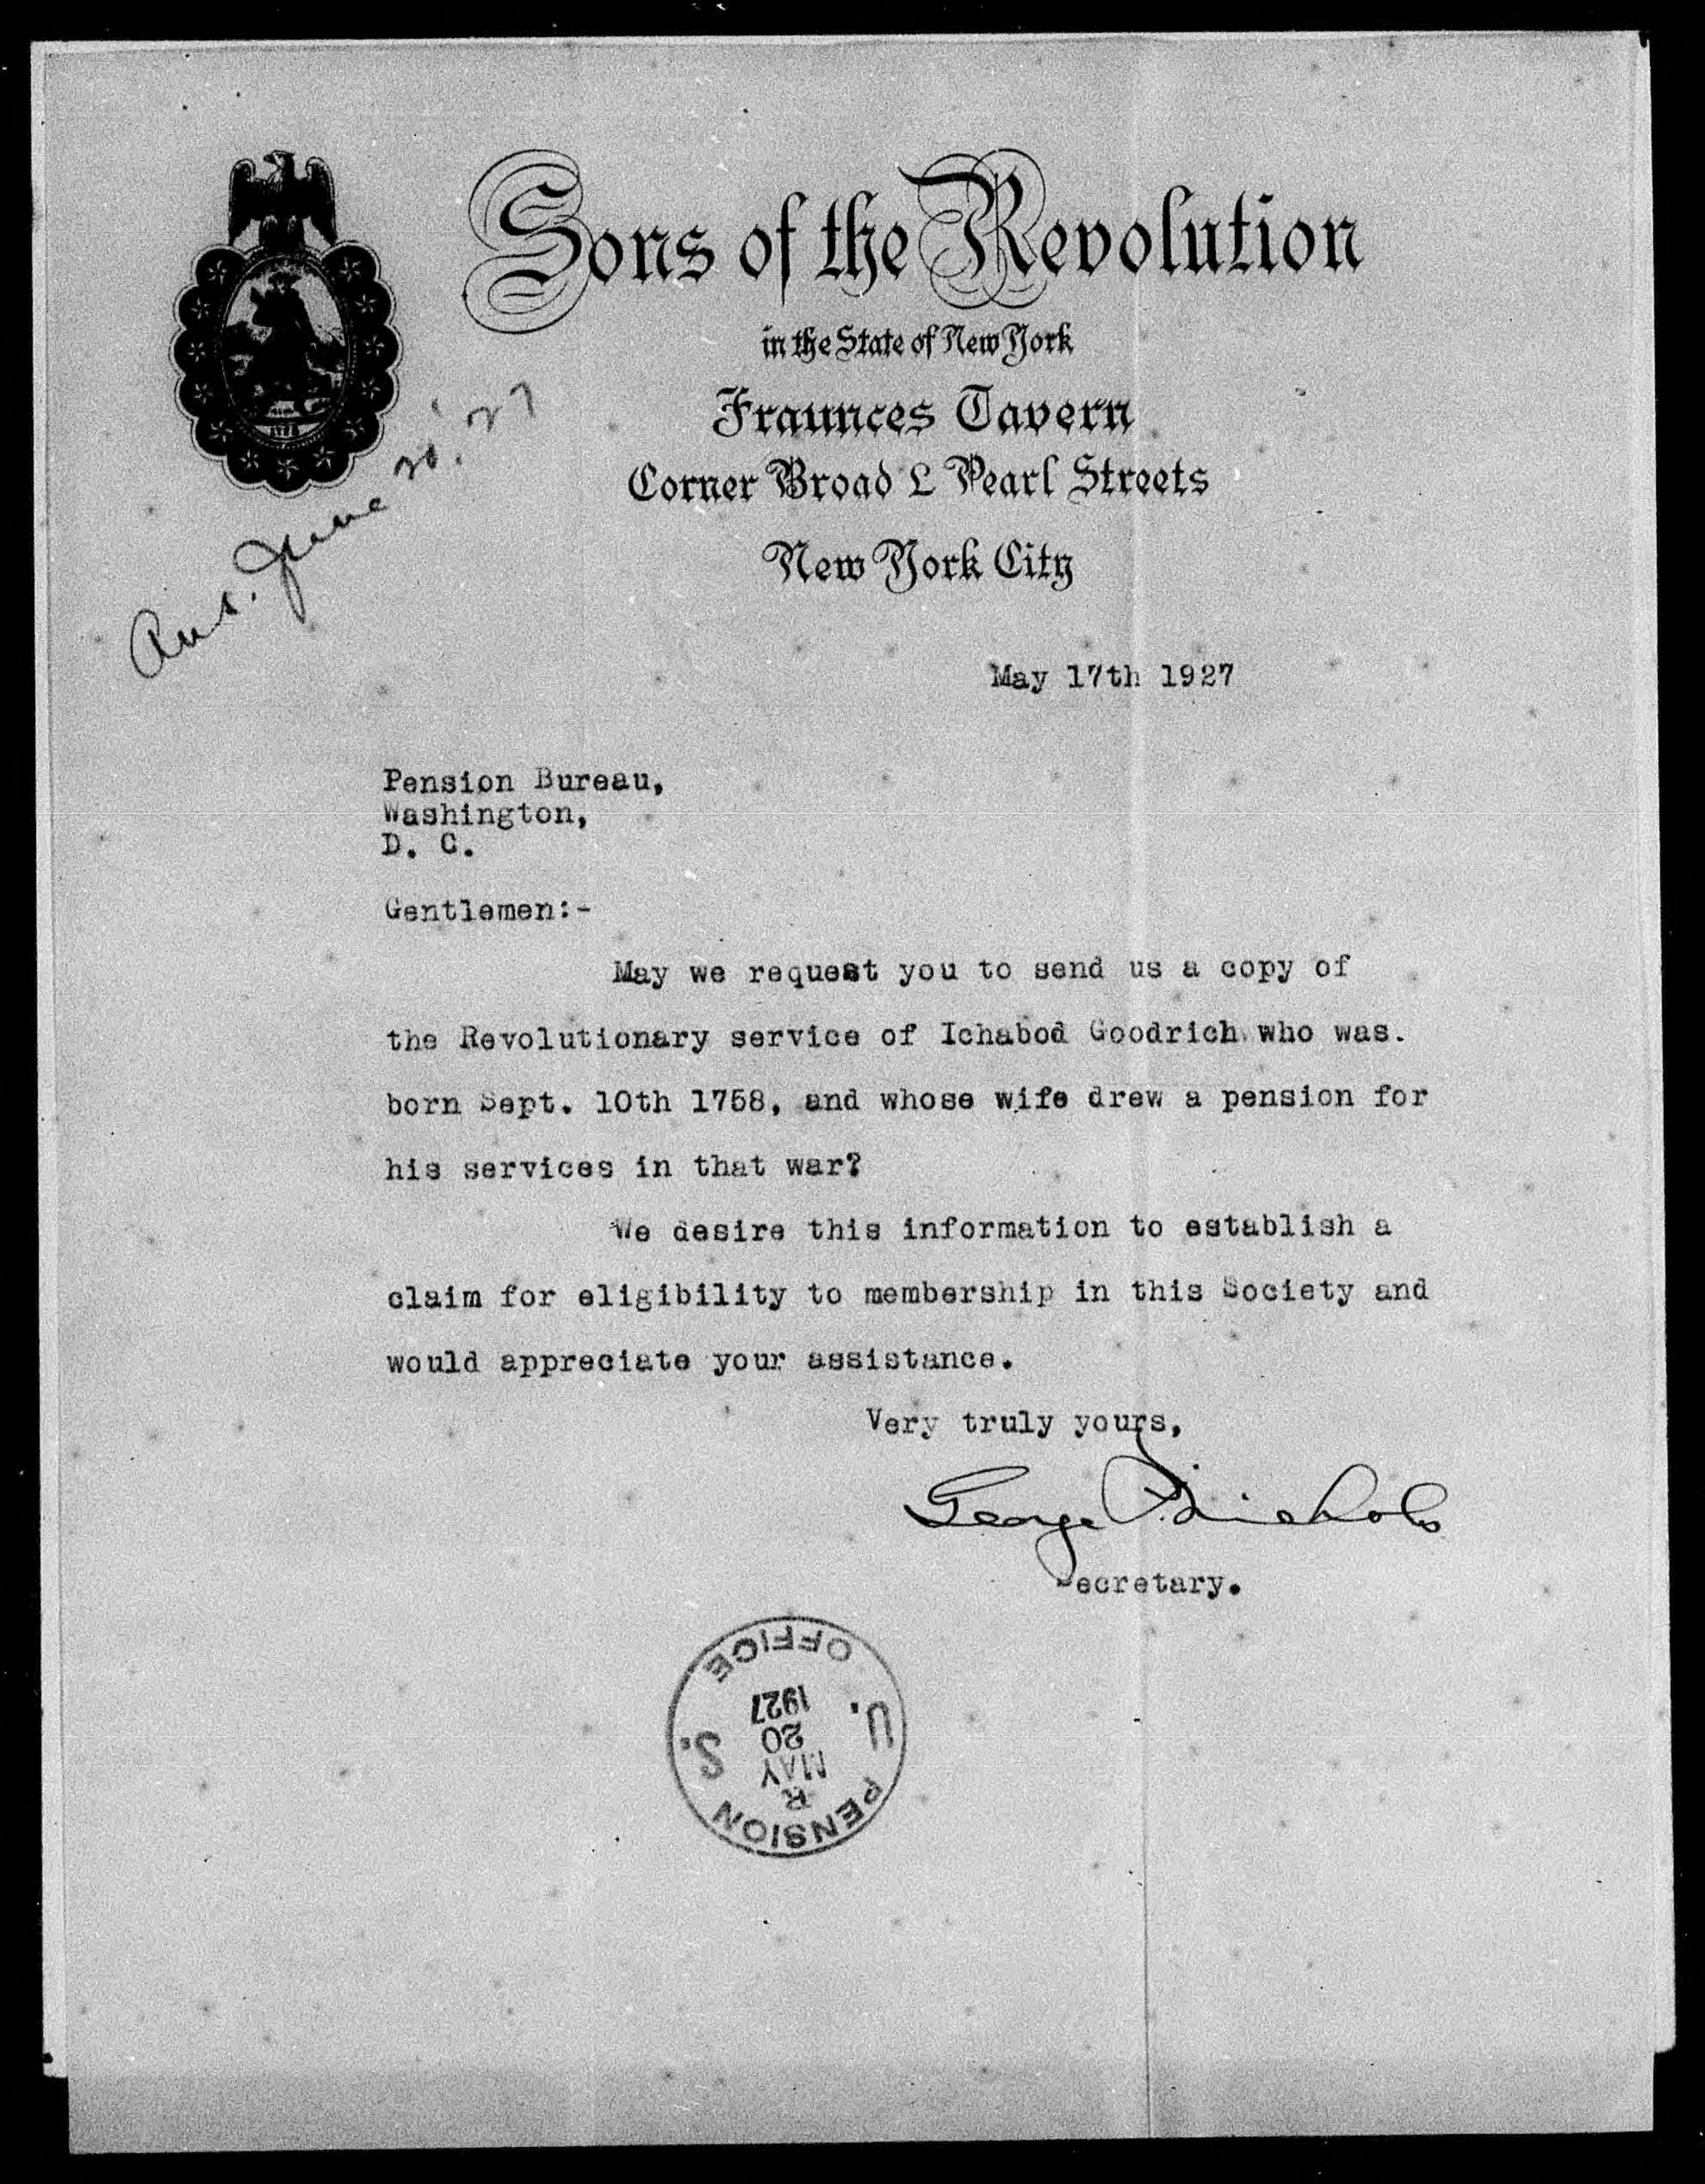Sons of the Revolution
in the State of New York

Fraunces Tavern
Corner Broad & Pearl Streets
New York City

Ans June 20 '27

May 17th 1927

Pension Bureau,
Washington,
D. C.

Gentlemen:
May we request you to send us a copy of the Revolutionary service of Ichabod Goodrich who was born Sept. 10th 1758, and whose wife drew a pension for his services in that war?

We desire this information to establish a claim for eligibility to membership in this Society and would appreciate your assistance.

Very truly yours,
George P. Nichols
Secretary.

[stamped]
U. S.
PENSION
OFFICE
R
MAY 20 1927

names: Ichabod Goodrich, George P Nichols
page: 16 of 46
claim: survivor's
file: S. 36,556, Ichabod Goodrich, Conn.